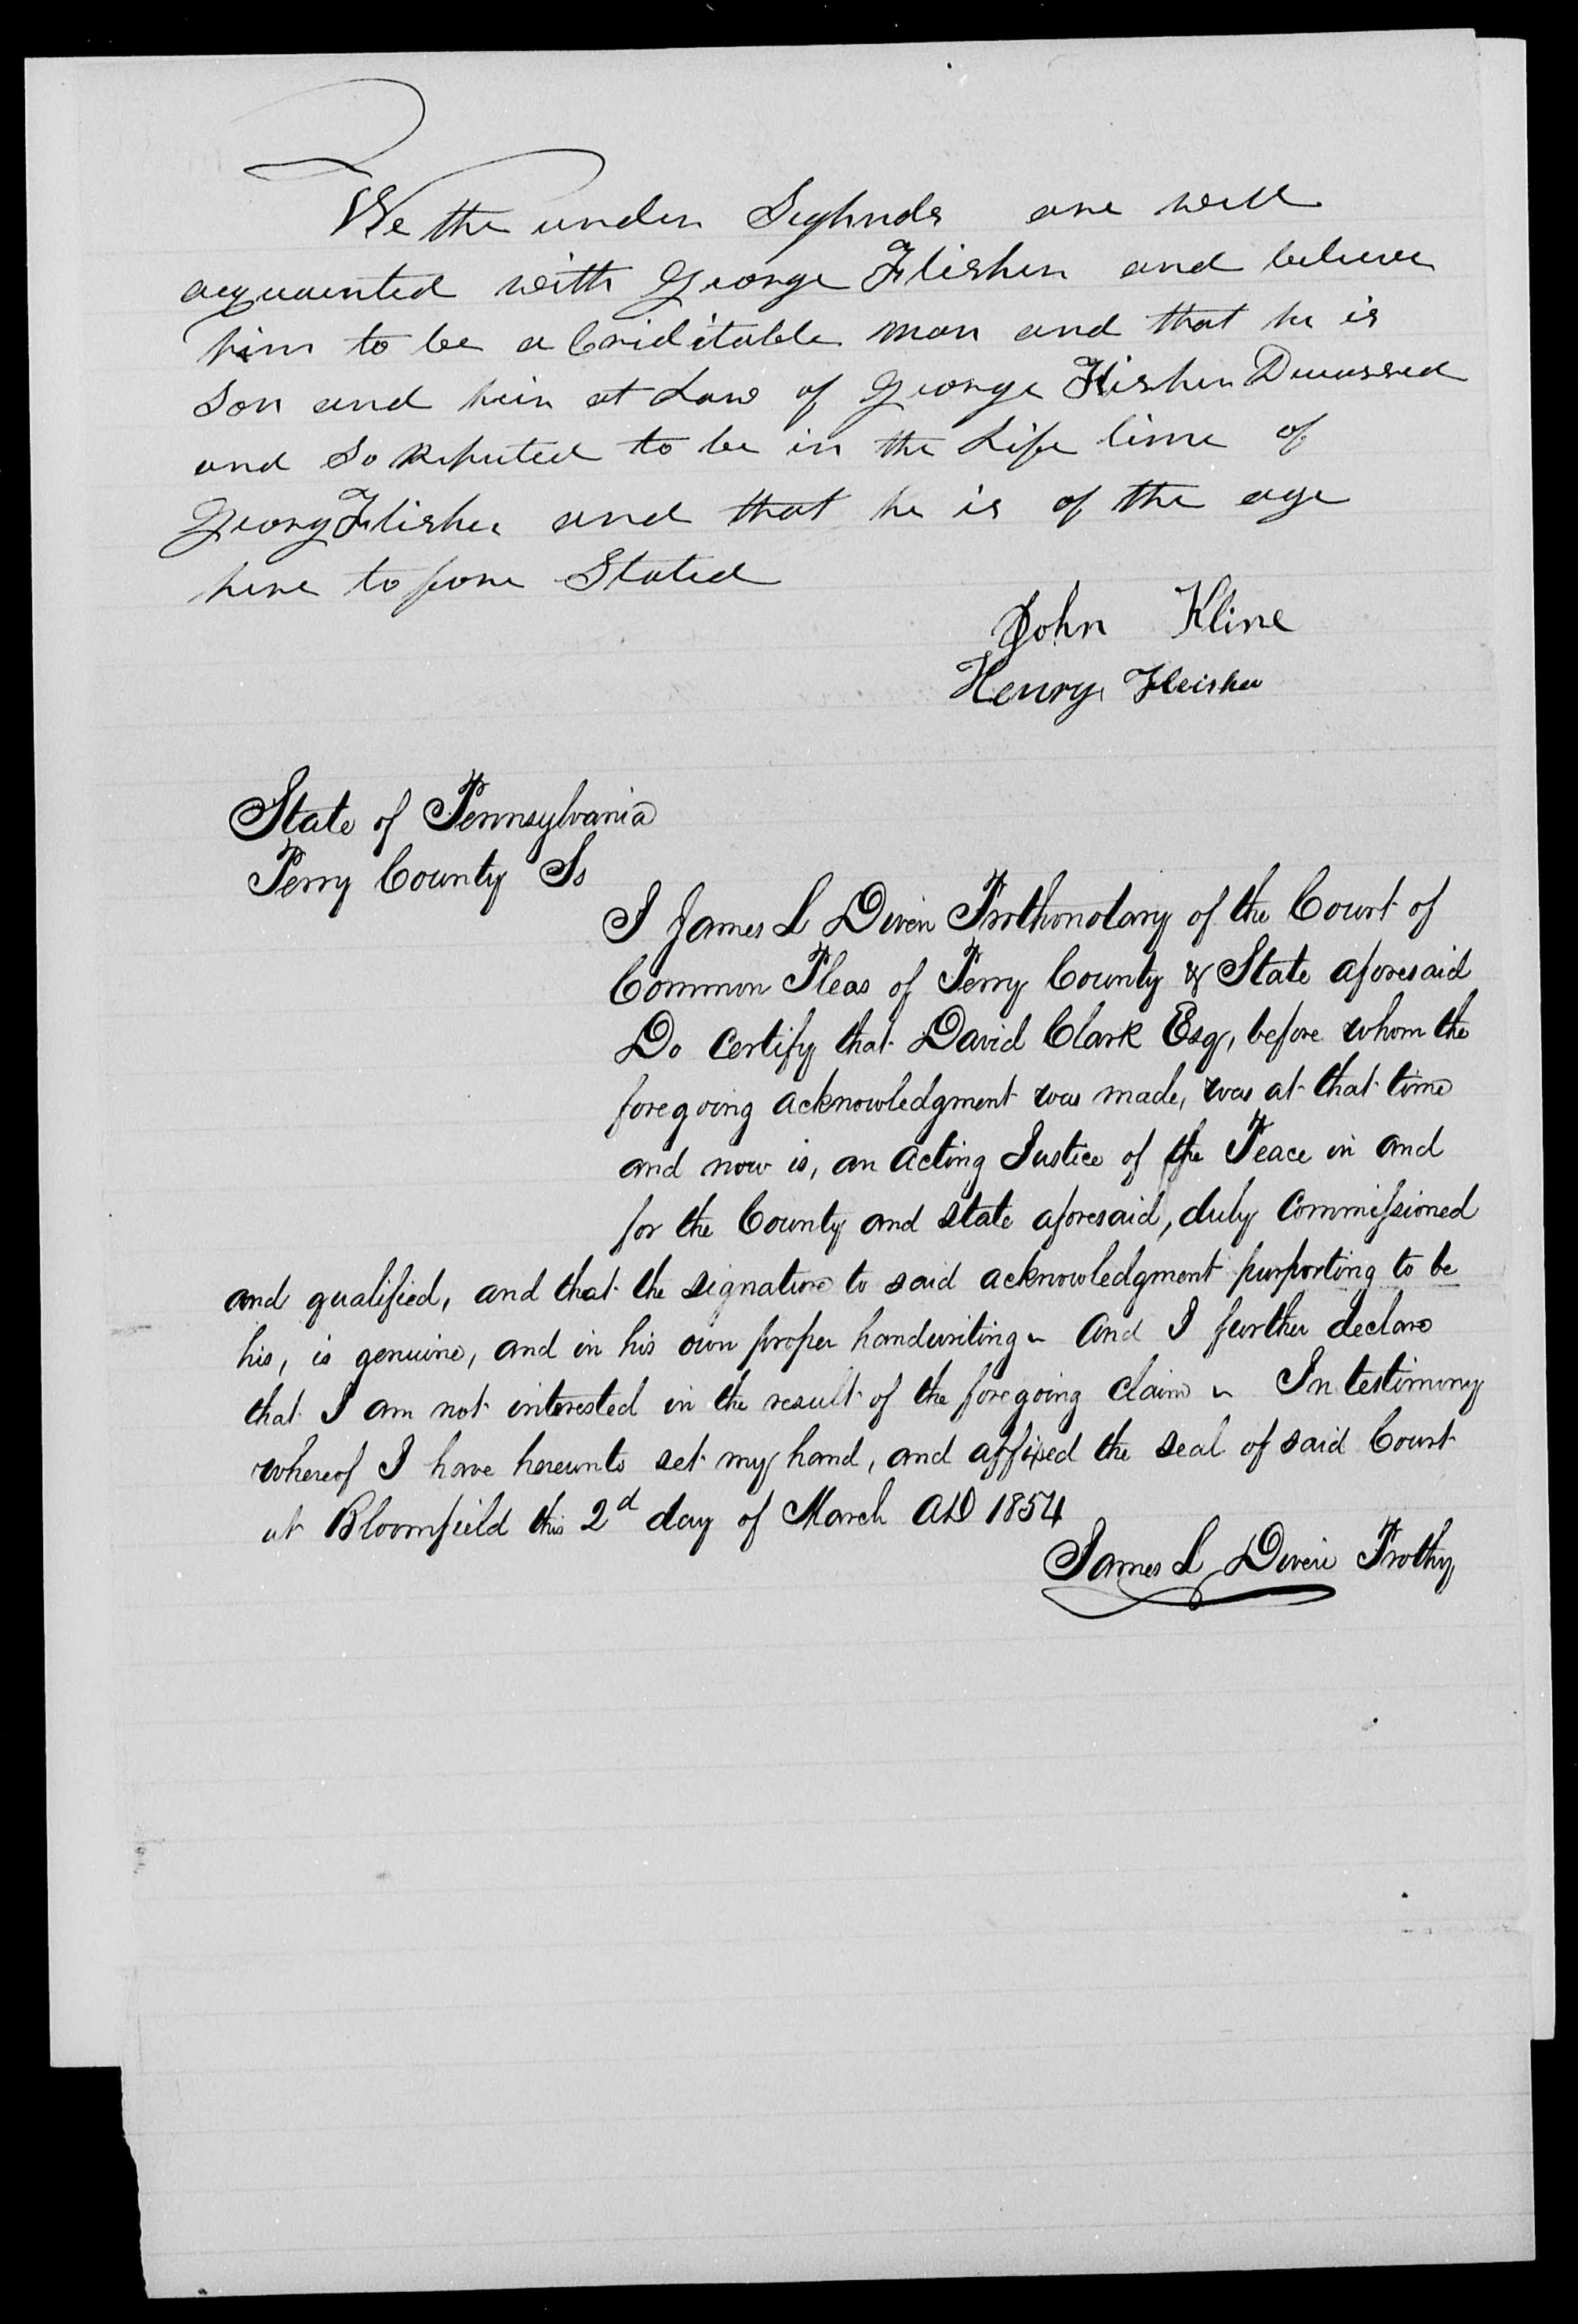We the undersigned are well acquainted with George Flisher and believe him to be a creditable  man and that he is son and heir at law of George Flisher Durassed and so reputed to be in the life line of George Flisher and that he is of the age here to fore stated.

//s//
John Kline
//s//
Henry Fleisher

State of Pennsylvania
Perry County  ss

     I James L. Diven Prothonotary of the Court of Common Pleas of Perry County of State aforesaid do certify that David Clark Esq. before whom the foregoing acknowledgement  was made was at that time and now is, ac acting Justice of the Peace in and for the county and state aforesaid duly commissioned and qualified, and that the signature to said acknowledgement  purporting to be his, is genuine, and in his ow pnroper handwriting. And I further declare that I am not interested in the result of the foregoing claim. In testimony whereof I have hereunto set my hand, and affixed the seal of said court at Bloomfield this 2nd day of March AD 1854.

//s//
James L. Diven Prothy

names: John Kline, Georg Flisher, George Flisher, George Flisher, James L Diven, James L Diven, Henry Fleisher, David Clark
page: 6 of 7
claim: rejected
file: R. 3,567, Flisher George, Penn.